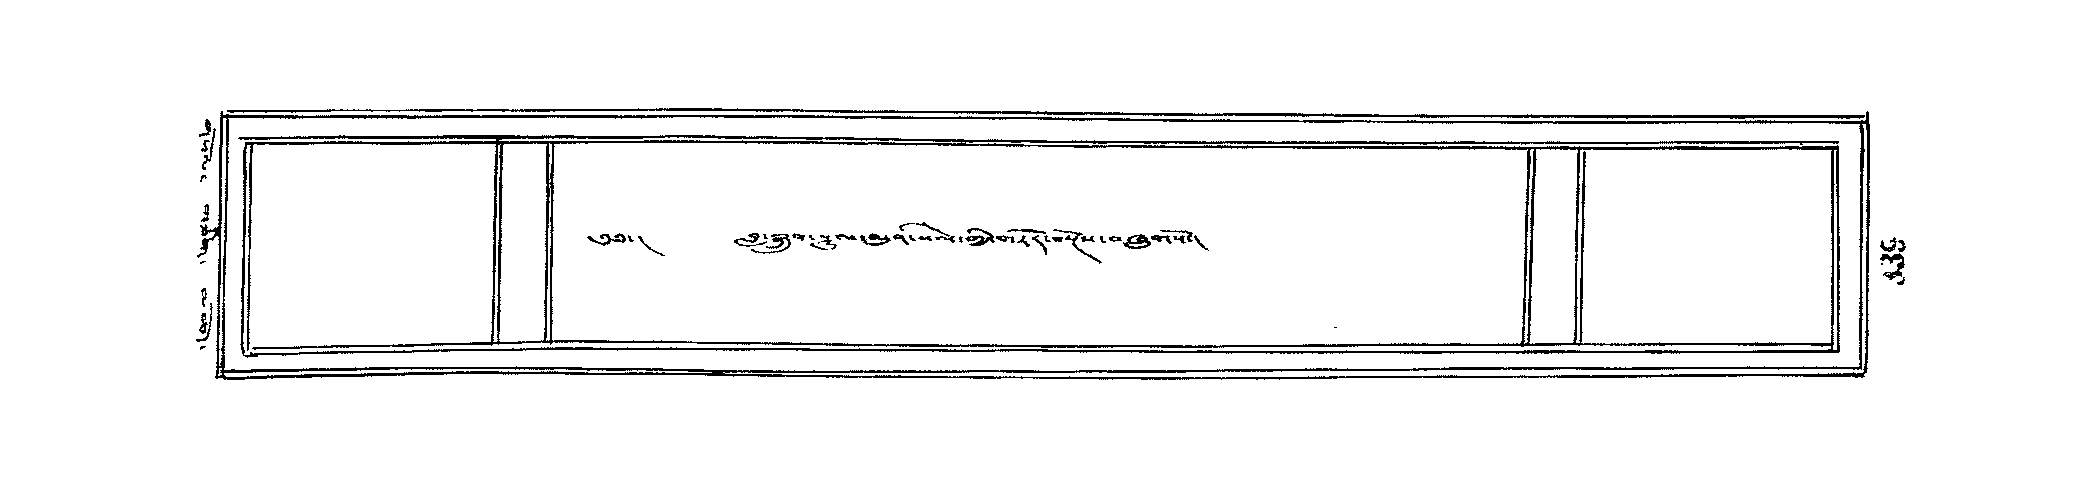བླ་གྲུབ་སྡུག་བསྔལ་མུན་སེལ་གྱི་གཏོར་བསྔོ་བཞུགས་སོ།